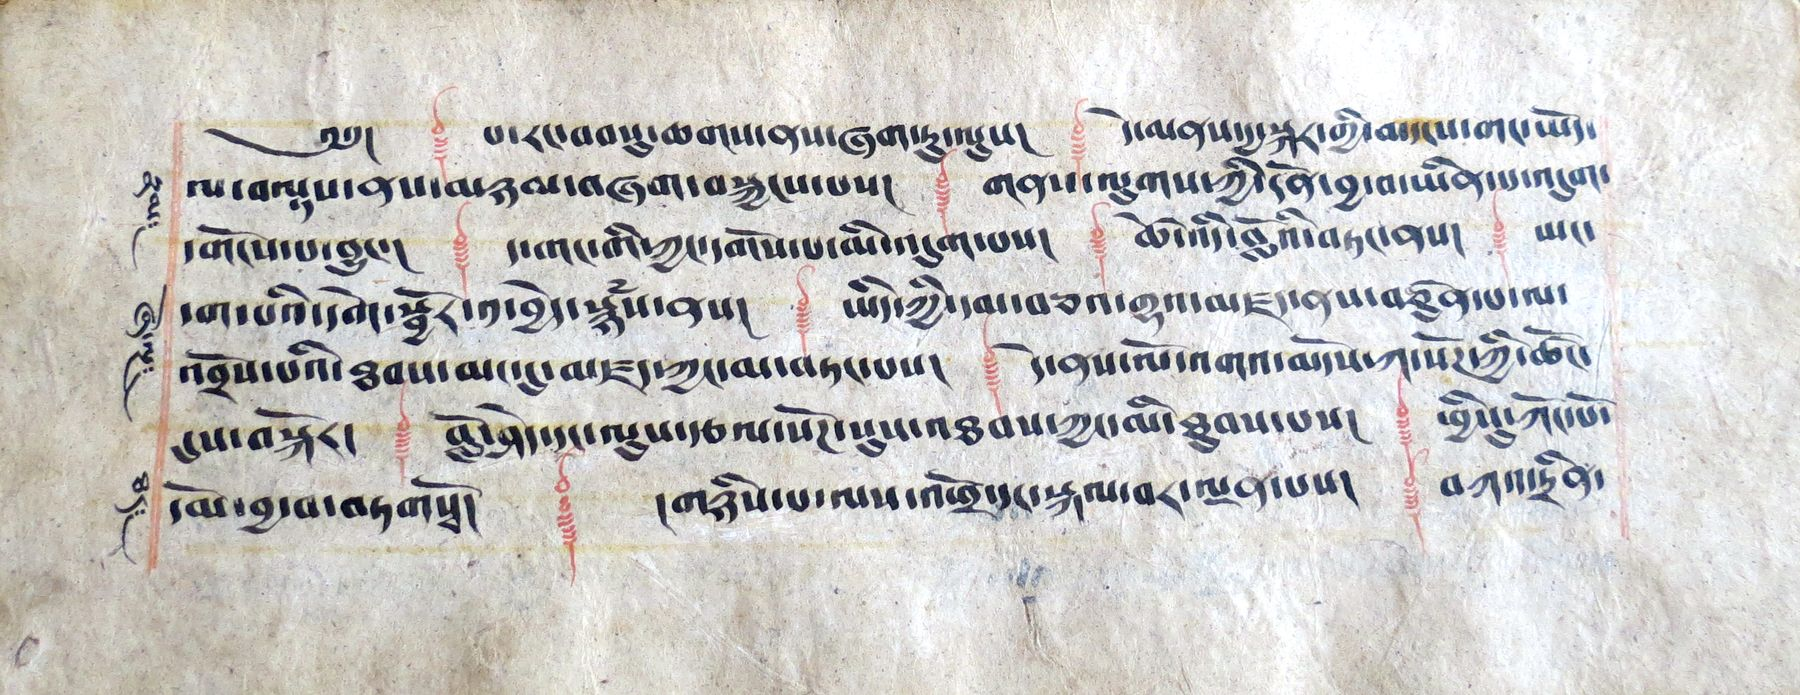པ་རང་བབས་སུ་ཆགས་ནས་ཞག་ཏུ་ལུས། དེ་ནས་རྒྱ་སྐར་གྱི་མདངས་གང་ཡོད་
ལ་བལྟས་ནས་མཉམ་གཞག་བསྐྱངས་པས། གནས་ལུགས་ཀྱི་དོན་བྱ་བ་ཡིན་པ་འདུག་
དགོངས་པ་བྱུང་། ད་གང་གིས་ཀྱང་དགོས་པ་མི་འདུག་པས། ཚེ་འདི་བློའི་བཏང་ནས་ཡང་
དག་པའི་དགེ་སྦྱོར་ཅིག་བྱེད་སྙམ་ནས། ཡིད་ཀྱི་དམ་བཅའ་འགའ་མཛད་ནས་བཙུན་པ་ལ་
འབྲོས་པའི་ཐམས་མང་དུ་མཛད་ཀྱང་མ་བཏང་བས་དེ་ནས་ལོ་འགའ་མདོས་བཀའ་སོགས་ཀྱི་ཚོང་
འདུས་བསྐོར། བློ་ཤེད་དང་ལུས་རྩལ་སོགས་སུས་འཐབ་ཀྱང་མི་ཐུབ་པས་ཕྱིས་སུ་ཀོང་པོ་
དོམ་བྱ་བ་བཏགས་སོ། ། གཉིས་པ་ལས་འཕྲོ་དང་སྐལ་པར་ལྡན་པས། བཀའ་དྲིན་